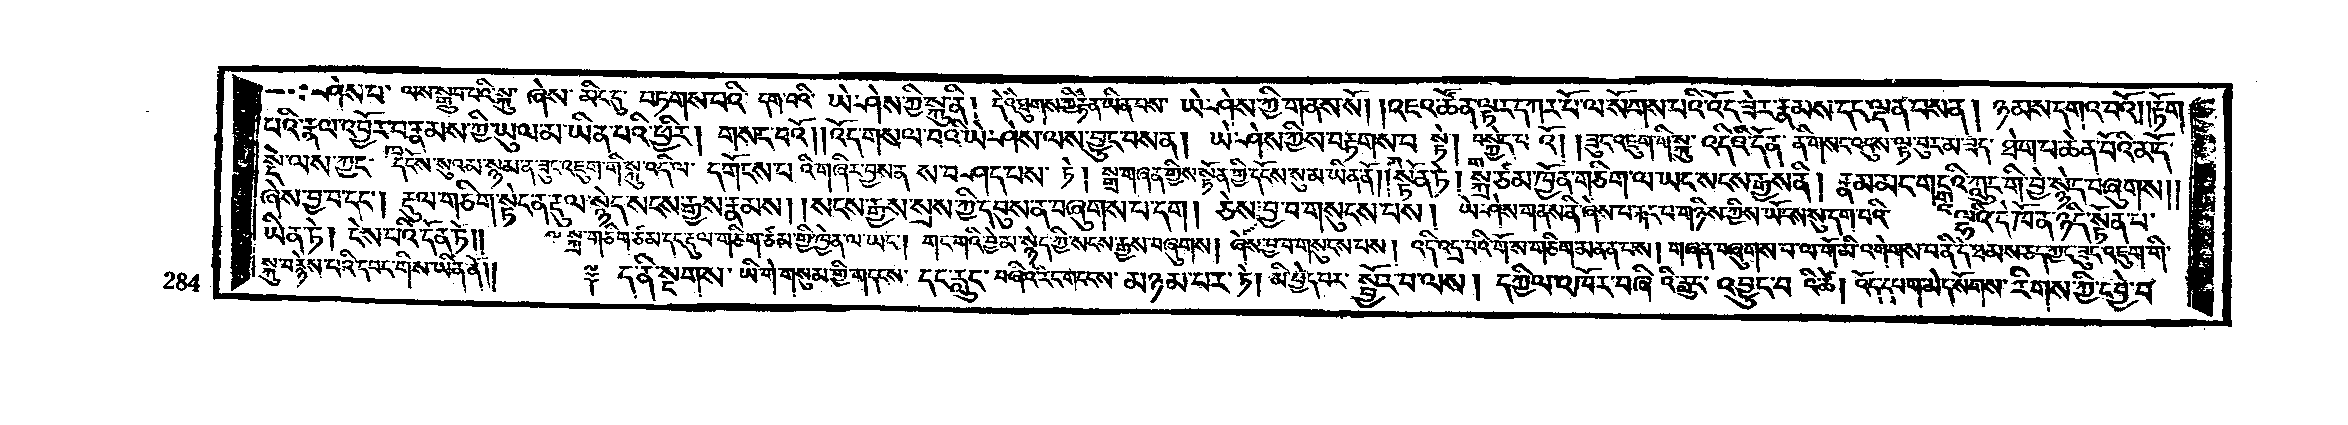.Hཤེས་པ་ལས་སྒྲུབ་པའི་སྐུ་ཞེས་མིང་དུ་བཏགས་པའི་དག་པའི་ཡེ་ཤེས་ཀྱི་སྐུ་ནི། དེའི་ཐུགས་ཀྱི་རྟེན་ཡིན་པས་ཡེ་ཤེས་ཀྱི་གནས་སོ། །འཇའ་ཚོན་ལྟར་དཀར་པོ་ལ་སོགས་པའི་འོད་ཟེར་རྣམས་དང་ལྡན་པས་ན། ཉམས་དགའ་བའོ། །རྟོག་
པའི་རྣལ་འབྱོར་པ་རྣམས་ཀྱི་ཡུལ་མ་ཡིན་པའི་ཕྱིར། གསང་བའོ། །འོད་གསལ་བའི་ཡེ་ཤེས་ལས་བྱུང་བས་ན། ཡེ་ཤེས་ཀྱིས་བརྟགས་པ་སྟེ། བསྐྱེད་པའོ། །ཟུང་འཇུག་གི་སྐུ་འདིའི་དོན་ནི་གསང་འདུས་ལྟ་བུར་མ་ཟད་ཐེག་པ་ཆེན་པོའི་མདོ་
སྡེ་ལས་ཀྱང་ཁ་དངོས་སུའམ་སྙམ་ན་ཟུང་འཇུག་གི་སྐུ་འདི་ལ་དགོངས་པའི་གཞིར་བྱས་ནས་བཤད་པས་ཏེ། སྒྲ་གཞན་གྱིས་སྟོན་གྱི་དངོས་སུམ་ཡིན་ནོ། །ཀ་སྟོན་ཏེ། ག྄་སྐྲ་ཙམ་ཁྱོན་གཅིག་ལ་ཡང་སངས་རྒྱས་ནི། རྣམ་མང་གངྒཱའི་ཀླུང་གི་བྱེ་སྙེད་བཞུགས།།
ཞེས་བྱ་བ་དང་། རྡུལ་གཅིག་སྟེང་ན་རྡུལ་སྙེད་སངས་རྒྱས་རྣམས། །སངས་རྒྱས་སྲས་ཀྱི་དབུས་ན་བཞུགས་པ་དག །ཅེས་བྱ་བ་གསུངས་པས། ཡེ་ཤེས་གནས་ནི་ཞེས་པ་རྐང་པ་གཉིས་ཀྱིས་ཡོངས་སུ་དག་པའི་ལྷའི་དེ་ཁོ་ན་ཉིད་སྟོན་པ་
ཡིན་ཏེ། ངེས་པའི་དོན་ཏེ།། ༧སྐྲ་གཅིག་ཙམ་དང་རྡུལ་གཅིག་ཙམ་གྱི་ཁྱེན་ལ་ཡང་། གང་གའི་བྱེ་མ་སྙེད་ཀྱི་སངས་རྒྱས་བཞུགས། ཞེས་བྱ་བ་གསུངས་པས། འདི་འདྲ་བའི་གོ་ས་གཅིག་མནན་པས། གཞན་བཞུགས་པ་ལ་གོ་མི་འགེགས་པ་ནི་དེ་ཐམས་ཅད་ཀྱང་ཟུང་འཇུག་གི་
སྐུ་བརྙེས་པའི་དབང་གིས་ཡིན་ནོ།། ༈ ད་ནི་སྔགས་ཡི་གེ་གསུམ་གྱི་གདངས་དང་རླུང་བཞིའི་རིང་གདངས་མཉམ་པར་ཏེ། མི་ཕྱེད་པར་སྦྱོར་བ་ལས། དཀྱིལ་འཁོར་བཞིའི་རླུང་འབྱུང་བའི་ཚེ། འོད་དཔག་མེད་སོགས་རིགས་ཀྱི་དབྱེ་བ་